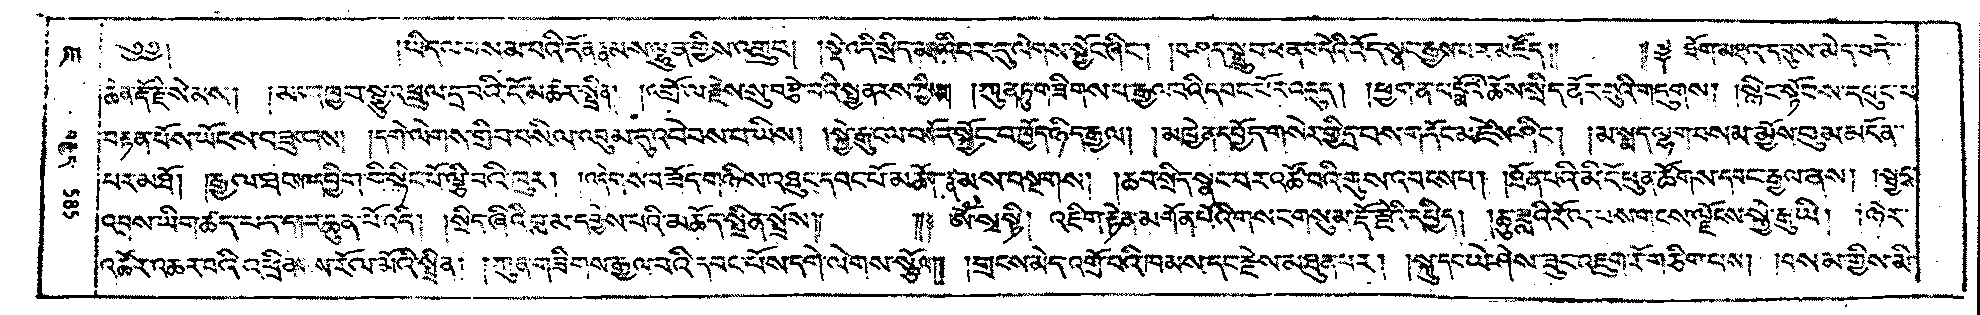༄༅། །ཡིད་ལ་བསམ་པའི་དོན་རྣམས་ལྷུན་གྱིས་འགྲུབ། །སྡེ་འདི་སྲིད་མཐའི་བར་དུ་ལེགས་སྐྱོང་ཞིང་། །བཤད་སྒྲུབ་ཕན་བདེའི་འོད་སྣང་རྒྱས་པར་མཛོད།། །། ༈ ཐོག་མཐའ་དབུས་མེད་བདེ་
ཆེན་རྡོ་རྗེ་སེམས། །མཁའ་ཁྱབ་སྒྱུ་འཕྲུལ་དྲ་བའི་ངོ་མཚར་སྤྲིན། །འགྲོ་ལ་རྗེས་སུ་བརྩེ་བའི་སྤྱན་རས་ཀྱིས། །ཀུན་ཏུ་གཟིགས་པ་རྒྱལ་བའི་དབང་པོར་འདུད། །ཕྱག་ན་པདམོའི་ཆོས་སྲིད་ནོར་བུའི་གདུགས། །སྙིང་སྟོབས་དཔུང་པ་
བརྟན་པོས་ཡོངས་བཟུང་བས། །དགེ་ལེགས་གྲིབ་བསིལ་འབུམ་དུ་འབེབས་པ་ཡིས། །སྐྱེ་རྒུ་ངལ་བསོར་སྐྱོང་བ་ཁྱོད་ཉིད་རྒྱལ། །མཁྱེན་དཔྱོད་གསེར་གྱི་དྲ་བས་གདོང་མཛེས་ཤིང་། །མ་སྨད་ལྷག་བསམ་མྱོས་བུམ་མངོན་
པར་མཐོ། །རྒྱལ་ཐབས་དབྱིག་གི་སྙིང་པོ་ལྕི་བའི་ཁུར། །འདེགས་བཟོད་གཉིས་འཐུང་དབང་པོ་མཆོག་རྣམས་བསྔགས། །ཆབ་སྲིད་སྣང་བར་འཚོ་བའི་གུས་འབངས་པ། །ཐོན་པའི་མི་ངོ་ཕུན་ཚོགས་དབང་རྒྱལ་ནས། །སྦྱངས་
འབྲས་ཡིག་ཚད་པད་དཀར་ཆུན་པོ་འདི། །སྲིད་ཞིའི་བླ་མ་དགྱེས་པའི་མཆོད་སྤྲིན་སྤྲོས།། །། ༈ ཨོཾ་སྭསྟི། འཇིག་རྟེན་མགོན་པོའི་གསང་གསུམ་རྡོ་རྗེའི་དཔྱིད། །ཆུ་ཟླའི་རོལ་པས་གངས་ལྗོངས་སྐྱེ་རྒུ་ཡི། །ཉེར་
འཚོར་འཆར་བའི་འཕྲིན་ལས་རོལ་མོའི་སྤྲིན། །ཀུན་གཟིགས་རྒྱལ་བའི་དབང་པོས་དགེ་ལེགས་སྩོལ། །གྲངས་མེད་འགྲོ་བའི་ཁམས་དང་རྗེས་མཐུན་པར། །སྐུ་དང་ཡེ་ཤེས་ཟུང་འཇུག་རོ་གཅིག་པས། །བསམ་གྱིས་མི་